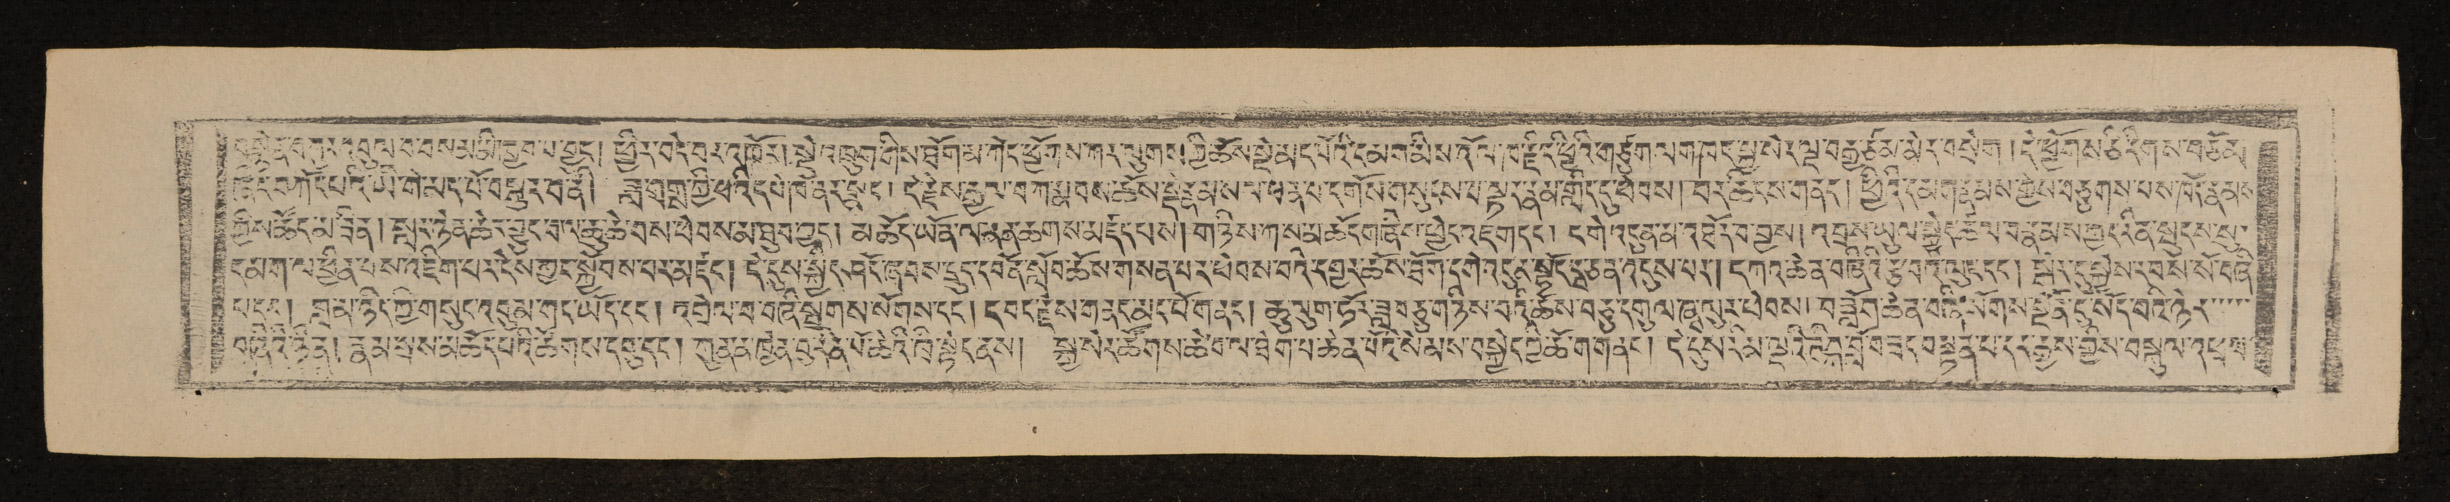བསྙན་བཀུར་འབུལ་བ་བསམ་མི་ཁྱབ་པ་བྱུང་། ཕྱིར་བདེ་བར་འཁོར། སྡེ་འཁྲུག་གིས་ཐོག་མ་ཀོང་ཕྱོགས་ཀར་ལུགས་ཀྱི་ཆོས་སྡེ་མང་པོའི་དམག་མིས་འོལ་ཁ་རྫིང་ཕྱིའི་གཙུག་ལག་ཁང་སྐྱ་སེར་ལྔ་བརྒྱ་ཙམ་མེར་བསྲེག །དེ་ཕྱོགས་ཅི་རིགས་བཅོམ་
ཞིང་བཀོད་པའི་ཡི་གེ་མང་པོ་བསྐུར་བ་ནི། ཟླ་གྲགས་ཀྱི་པའི་དཔེ་ཁོ་ནར་སྣང་། དེ་རྗེས་རྒྱལ་བ་ཀརྨ་པས་ཆོས་སྡེ་རྣམས་ལ་ཕན་པ་དགོས་གསུངས་པ་ལྟར་རྣམ་གླིང་དུ་ཕེབས། བར་ཆིངས་གནང་། ཕྱིའི་དམག་རྣམས་གྱིས་བཅུགས་པས་ཁོང་རྣམས་
ཀྱིས་ཚོད་མ་ཟིན། སླར་ཉེན་ཆེར་བྱུང་བ་ལ་ཆུ་ཆེ་བས་ཕེབས་མ་ཐུབ་ཀྱང་། མཆོད་ཡོན་ལ་ནན་ཆགས་མཛད་པས། གཉིས་ཀས་མཆོད་གཞིས་ཕྱེད་འཇག་དང་། དགེ་འདུན་མ་འཐོར་བ་བྱས། འབྲས་ཡུལ་སྐྱེད་ཚལ་བ་རྣམས་ཀྱང་རིན་སྤུངས་སུ་
དམག་ལ་ཕྱིན་པས་འཇིག་པར་ངེས་ཀྱང་སྐྱོབས་པར་མཛད། དེ་དུས་སྐྱིད་ཤོང་ཞབས་དྲུང་དཔོན་སློབ་ཆོས་གསན་པར་ཕེབས་པའི་དབྱར་ཆོས་ཐོག་དགེ་འདུན་སྟོང་རྭ་ཅན་འདུས་པར། དཀའ་ཆེན་བཞིའི་རྩ་བའི་ལུང་དང་། སྒེར་དུ་སྐྱེས་རབས་སོ་བཞི་
པ་དང་། བླ་མ་ཉིད་ཀྱི་གསུང་འབུམ་གང་ཡོད་དང་། འགྲེལ་པ་བཞི་སྦྲགས་སོགས་དང་། དབང་རྗེས་གནང་མང་པོ་གནང་། ཆུ་ལུག་ཧོར་ཟླ་བཅུ་གཉིས་པའི་ཚེས་བཅུ་དགུ་ལ་ཞྭ་ལུར་ཕེབས། བཟློག་ཆེན་བཞི་སོགས་སྔོན་དུ་སོང་བའི་ཉེར་
བཞིའི་ཉིན། རྣམ་སྲས་མཆོད་པའི་ཚོགས་དབུ་དང་། ཀུན་མཁྱེན་བུ་རིན་པོ་ཆེའི་ཁྲི་སྟེང་ནས། སྐྱ་སེར་ཚོགས་ཆེ་བ་ལ་ཐེག་པ་ཆེན་པོའི་སེམས་བསྐྱེད་ཀྱི་ཆོ་ག་གནང་། དེ་དུས་རིམ་ལྔའི་ཊིཀྐ་བློ་བཟང་བསྟན་པ་དར་རྒྱས་ཀྱིས་བསྐུལ་འཕྲབ་